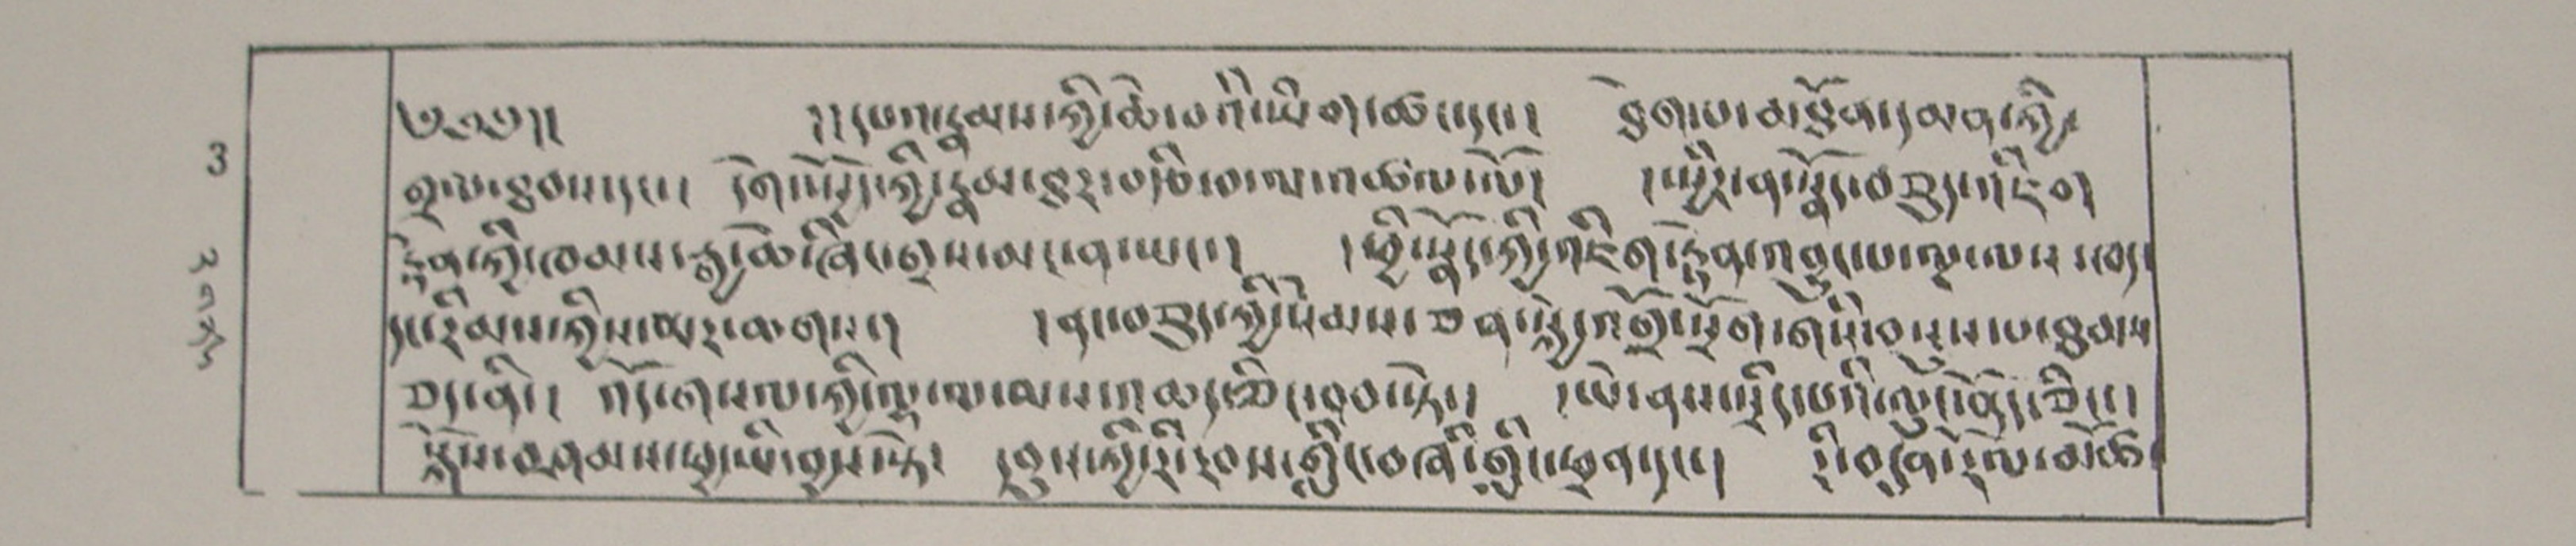༄༅། །དཔའ་རྣམས་ཀྱི་ཆེ་བའི་ཡིག་ཚང་དང་། ཐེག་པ་མཐོ་དམན་གྱི་
གྲལ་ཐབས་དང་། དགེ་སྤྱོད་ཀྱི་རྣམ་ཐར་བརྩི་བ་ལ་འཚལ་ལོ། །སྤྱིར་ན་སྣོད་བཅུད་འཇིག་
རྟེན་གྱི་ཁམས་རྒྱ་ཆེ་ཞིང་གྲངས་མང་ན་ཡང་། ཕྱི་སྣོད་ཀྱི་འཇིག་རྟེན་འབྱུང་བ་ལྔ་ལས་ཁད་
དང་རིམ་གྱིས་མར་ཆགས། ནང་བཅུད་ཀྱི་སེམས་ཅན་སྐྱེ་འགྲོ་སྲོག་གིས་བསྡུས་པ་ཐམས་
ཅད་ནི། འོད་གསལ་གྱི་ལྷ་ལ་མས་ཆད་ཅིང་བབ་སྟེ། ཡེ་ནས་སྲིད་པའི་ལུང་ནོད་ཅིང་། 
སྐོས་བཤམས་ཕྱ་ཡིས་བྱས་ཏེ། དབུས་ཀྱི་རི་རབ་གླིང་བཞི་གླིང་ཕྲན་དང་། རི་བདུན་རོལ་མཚོ་